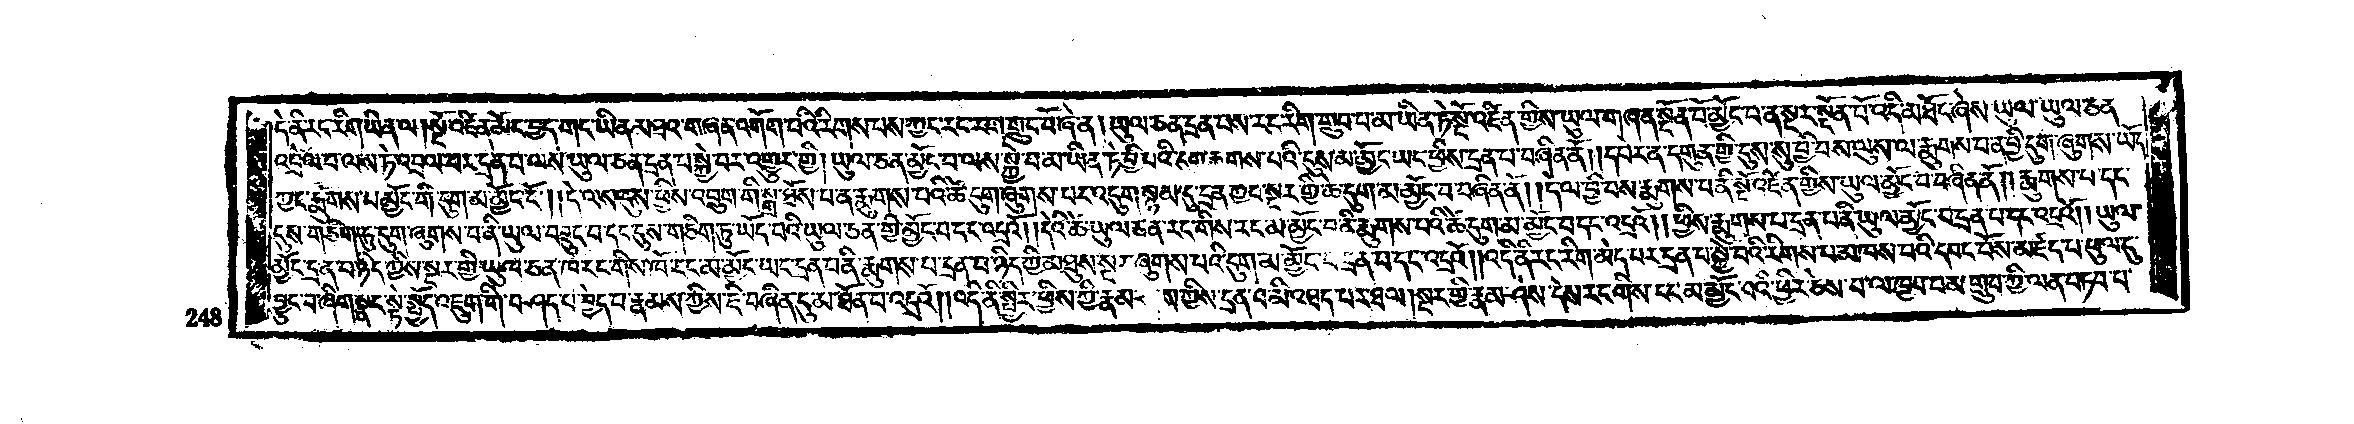དེ་ནི་རང་རིག་ཡིན་ལ། སྔོ་འཛིན་མོད་བྱད་གང་ཡིན་མཐའ་གཞན་འགོག་པའི་རིགས་པས་ཀྱང་རང་རིག་གྲུབ་བོ་ཞེ་ན། ཡུལ་ཅན་དྲན་པས་རང་རིག་གྲུབ་པ་མ་ཡིན་ཏེ་སྔོ་འཛིན་གྱིས་ཡུལ་གཞན་སྔོན་པོ་མྱོང་བ་ན་སྔར་སྔོན་པོ་འདི་མཐོང་ཞེས་ཡུལ་ཡུལ་ཅན་
འབྲེལ་པ་ལས་ཏེ་འབྲལ་བར་དྲན་པ་ལས་ཡུལ་ཅན་དྲན་པ་སྐྱེ་བར་འགྱུར་གྱི་།ཡུལ་ཅན་མྱོང་བ་ལས་སྐྱེ་བ་མ་ཡིན་ཏེ་བྱི་པའི་དུག་རྒྱགས་པའི་དུས་མ་མྱོང་ཡང་ཕྱིས་དྲན་པ་བཞིན་ནོ། །དཔེར་ན་དགུན་གྱི་དུས་སུ་བྱི་བས་ལུས་ལ་རྨུགས་པ་ན་བྱི་དུག་ཞུགས་ཡོད་
ཀྱང་རྨུགས་པ་མྱོང་གི་དུག་མ་མྱོང་ངོ། །དེ་ལས་དུས་ཕྱིས་འབྲུག་གི་སྒྲ་ཐོས་པ་ན་རྨུགས་པའི་ཚེ་དུག་ཞུགས་པར་འདུག་སྙམ་དུ་དྲན་ཀྱང་སྔར་གྱི་ཆེ་དུག་མ་མྱོང་བ་བཞིན་ནོ། །དེ་ལ་བྱི་བས་རྨུགས་པ་ནི་སྔོ་འཛིན་གྱིས་ཡུལ་མྱོང་བ་བཞིན་ནོ། །རྨུགས་པ་དང་
དུས་གཅིག་ཏུ་དུག་ཞུགས་པ་ནི་ཡུལ་བཟུང་བ་དང་དུས་གཅིག་ཏུ་ཡོད་པའི་ཡུལ་ཅན་གྱི་མྱོང་བ་དང་འདྲའོ། །དེའི་ཚེ་ཡུལ་ཅན་རང་གིས་རང་མ་མྱོང་བ་ནི་རྨུགས་པའི་ཚེ་དུག་མ་མྱོང་བ་དང་འདྲའོ། །ཕྱིས་རྨུགས་པ་དྲན་པ་ནི་ཡུལ་མྱོང་བ་དྲན་པ་དང་འདྲའོ། །ཡུལ་
མྱོང་དྲན་པ་ཉིད་ཀྱིས་སྔར་གྱི་ཡུལ་ཅན་ཁ་རང་གིས་ཁོ་རང་མ་མྱོང་ཡང་དྲན་པ་ནི་རྨུགས་པ་དྲན་པ་ཉིད་ཀྱི་མཐུས་སྔར་ཞུགས་པའི་དུག་མ་མྱོང་བ་དྲན་པ་དང་འདྲའོ། །འདི་ནི་རང་རིག་མེད་པར་དྲན་པ་སྐྱེ་བའི་རིགས་པ་མཁས་པའི་དབང་པོས་མཛད་པ་ཕུལ་དུ་
བྱུང་བ་ཞིག་སྣང་སྟེ་སྤྱོད་འཇུག་གི་བཤད་པ་བྱེད་པ་རྣམས་ཀྱིས་ཇི་བཞིན་དུ་མ་ཐོན་པ་འདྲའོ། །འདི་ནི་སྤྱིར་ཕྱིས་།ཀྱི་རྣམས་ཀྱིས་དྲན་པ་མི་འཐད་པར་ཐལ། སྔར་གྱི་རྣམ་ཤེས་དེས་རང་གིས་ངང་མ་མྱོང་བའི་ཕྱིར་ཅེས་པ་ལ་ཁྱབ་པ་མ་གྲུབ་ཀྱི་ལན་བཏབ་པ་